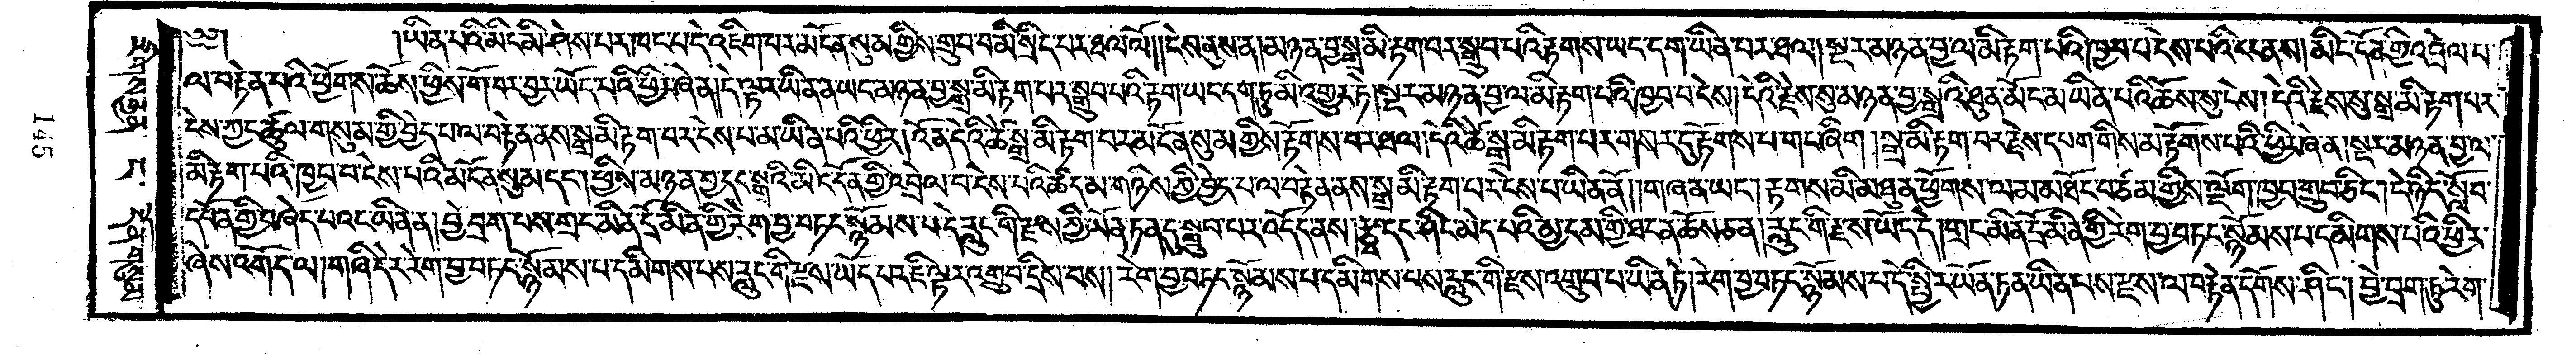༄༅། །ཡིན་པའི་མིང་མི་ཤེས་པར་ཁང་བ་དེ་འཇིག་པར་མངོན་སུམ་གྱིས་གྲུབ་པ་མི་སྲིད་པར་ཐལ་ལོ། །ངེས་ནུས་ན། མཉན་བྱ་སྒྲ་མི་རྟག་པར་སྒྲུབ་པའི་རྟགས་ཡང་དག་ཡིན་པར་ཐལ། སྔར་མཉན་བྱ་ལ་མི་རྟག་པའི་ཁྱབ་པ་ངེས་པའི་ངང་ནས། མིང་དོན་གྱི་འབྲེལ་པ་
ལ་བརྟེན་པའི་ཕྱོགས་ཆོས་ཕྱིས་ག་བར་བྱར་ཡོད་པའི་ཕྱིར་ཞེ་ན། དེ་ལྟར་ཡིན་ན་ཡང་མཉན་བྱ་སྒྲ་མི་རྟག་པར་སྒྲུབ་པའི་རྟག་ཡང་དག་ཏུ་མི་འགྱུར་ཏེ། སྔར་མཉན་བྱ་ལ་མི་རྟག་པའི་ཁྱབ་པ་ངེས། དེའི་རྗེས་སུ་མཉན་བྱ་སྒྲའི་ཐུན་མོང་མ་ཡིན་པའི་ཆོས་སུ་ངེས། དའི་རྗེས་སུ་སྒྲ་མི་རྟག་པར་
ངེས་ཀྱང་ཚུལ་གསུམ་གྱི་བྱེད་པ་ལ་བརྟེན་ནས་སྒྲ་མི་རྟག་པར་ངེས་པ་མ་ཡིན་པའི་ཕྱིར། འོ་ན་དེའི་ཚེ་སྒྲ་མི་རྟག་པར་མངོན་སུམ་གྱིས་རྟོགས་པར་ཐལ། དེའི་ཚེ་སྒྲ་མི་རྟག་པར་གསར་དུ་རྟོགས་པ་གང་ཞིག །སྒྲ་མི་རྟག་པར་རྗེས་དཔག་གིས་མ་རྟོགས་པའི་ཕྱིར་ཞེ་ན། སྔར་མཉན་བྱ་ལ་
མི་རྟག་པའི་ཁྱབ་པ་ངེས་པའི་མངོན་སུམ་དང་། ཕྱིས་མཉན་བྱ་དང་སྒྲའི་མིང་དོན་གྱི་འབྲེལ་པ་ངེས་པའི་ཚད་མ་གཉིས་ཀྱི་བྱེད་པ་ལ་བརྟེན་ནས་སྒྲ་མི་རྟག་པར་ངེས་པ་ཡིན་ནོ། །གཞན་ཡང་། རྟགས་མི་མཐུན་ཕྱོགས་ལ་མ་མཐོང་བ་ཙམ་གྱིས་ལྡོག་ཁྱབ་གྲུབ་ཅིང་། དེ་ཉིད་སློབ།
དཔོན་གྱི་བཞེད་པའང་ཡིན་ན། བྱེ་བྲག་པས་གྲང་མིན་དྲོ་མིན་གྱི་རེག་བྱ་བཏང་སྙོམས་པ་དེ་རླུང་གི་རྫས་ཀྱི་ཡོན་ཏན་དུ་སྒྲུབ་པར་འདོད་ནས། རྩྭ་དང་ཤིང་མེད་པའི་མྱ་ངམ་གྱི་ཐང་ན་ཆོས་ཅན། རླུང་གི་རྫས་ཡོད་དེ། གྲང་མིན་དྲོ་མིན་གྱི་རེག་བྱ་བཏང་སྙོམས་པ་དམིགས་པའི་ཕྱིར་
ཞེས་འགོད་ལ། གཞི་དེར་རེག་བྱ་བཏང་སྙོམས་པ་དམིགས་པས་རླུང་གི་རྫས་ཡོད་པར་ཇི་ལྟར་འགྲུབ་དྲིས་པས། རེག་བྱ་བཏང་སྙོམས་པ་དམིགས་པས་རླུང་གི་རྫས་འགྲུབ་པ་ཡིན་ཏེ། རེག་བྱ་བཏང་སྙོམས་པ་དེ་སྤྱིར་ཡོན་ཏན་ཡིན་པས་རྫས་ལ་བརྟེན་དགོས་ཤིང་། བྱེ་བྲག་ཏུ་རེག་